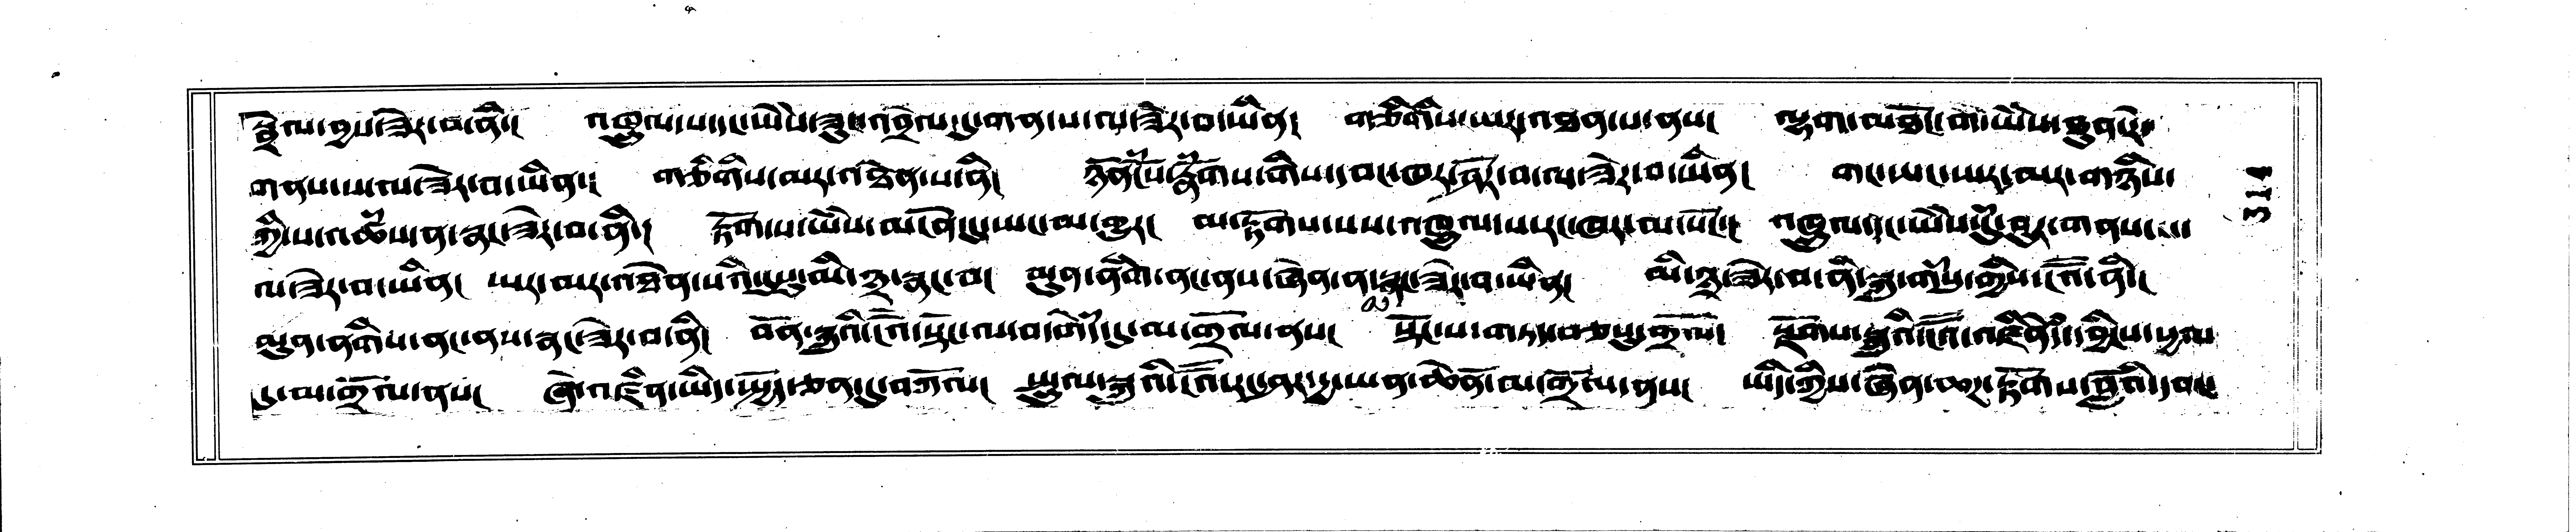སྦྲེལ་བྱས་ནས་སྣང་ཟེར་བ་ནི། འཁྲུལ་པ་དང་ཡེ་ཤེས་ཟུངས་༼ཟུང༽འབྲེལ་དུ་གནས་པ་ལ་ཟེར་བ་ཡིན། ཅིག་གིས་ཡར་འཐེན་ཟེར་བ་ནི། ལྷག་མཐོང་གིས་ཡེ་ཤེས་ལ་ཐུན་རེ་
གནས་པ་ལ་ཟེར་བ་ཡིན། ཅིག་གིས་མར་འཐེན་ཟེར་བ་ནི། ཉོན་མོངས་རྣམ་རྟོག་དབང་ཀར་ཤོར་བ་ལ་ཟེར་བ་ཡིན། གང་ཡང་ཡས་མར་གཉིས་
ཀྱི་འཚམས་ན་སྣང་ཟེར་བ་ནི། རྟོགས་པའི་ཡེ་ཤེས་མངོན་དུ་ཡང་མ་གྱུར། མ་རྟོགས་པའི་འཁྲུལ་པ་རང་ཁར་ཡང་མ་སོང་། འཁྲུལ་དང་ཡེ་ཤེས་དུམ་བུར་གནས་པ་
ལ་ཟེར་བ་ཡིན། ཡར་ལ་འཐེན་པའི་སྡོངས་སུ་མི་གསུམ་སྣང་བ་མུན་ནག་གིས་ནང་ནས་ཞེན་ནས་སྣང་ཟེར་བ་ནི། མི་གསུམ་ཟེར་བ་ནི་སྐུ་གསུམ་གྱི་ངོའོ་ཡིན། 
མུན་ནག་གིས་ནང་ནས་ཞེན་ནས་སྣང་ཟེར་བ་ནི། བོན་སྐུའི་ངོའོ་སྟོང་ལ་བདག་མེད་དུ་མ་གྲོལ་ནས་སྟོང་པ་གཏད་བཅས་སུ་གོལ། རྫོགས་སྐུའི་ངོའོ་འཛིན་མེད་དབྱིངས་གསལ
་དུ་མ་གྲོལ་ནས། ཞེ་འཛིན་ཡིད་སྤྱོད་ཅན་དུ་གོལ། སྤྲུལ་སྐུའི་ངོའོ་རང་ཤར་རྒྱ་ཡན་ཆེན་པོར་མ་གྲོལ་ནས། ཡིད་ཀྱིས་ཞེན་ཆགས་རྟོག་བློའི་དབང་